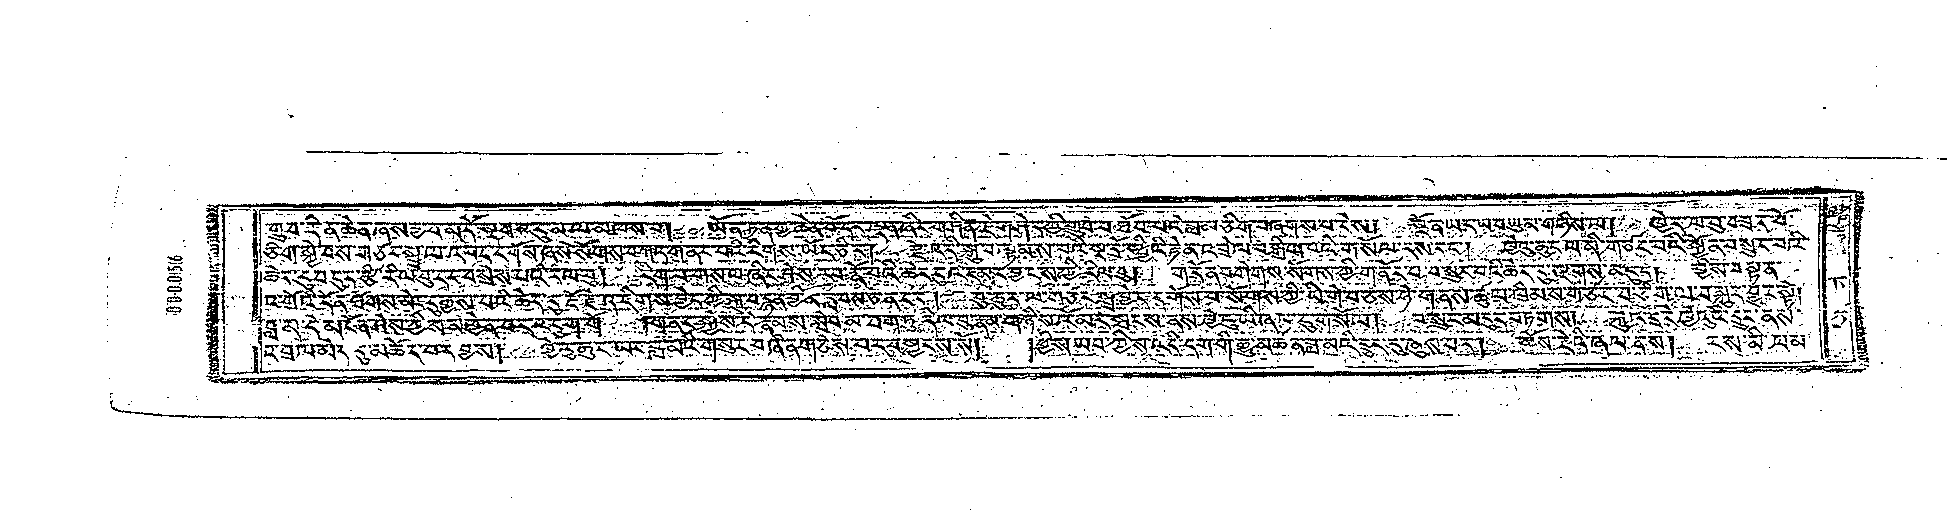གྲུབ་རིན་ཆེན་ཞེས་བྱ་བ་མདོ་སྔགས་དུ་མ་ལ་མཁས་པ། ཡོན་ཏན་གྱི་ཆེན་པོ་དང་ལྡན་ཞིང་གཤིན་ཇེ་གཤེད་ཀྱི་གྲུབ་པ་ཐོབ་པའི་བླ་མ་ཅིག་བཞུགས་པ་ངེས། སྔོན་ཡང་ཡབ་ཡུམ་གཉིས་ལ། ཁྱེད་ལ་བུ་བཟང་པོ་
ཅིག་སྐྱེ་བས་གཙང་སྒྲ་ལ་འབང་དགོས་ཞེས་སོགས་བཀའ་གནང་བའི་རིགས་ལོང་ཅིང་། རྗེ་འདི་སྐུ་བལྟམས་པའི་སྔ་དྲོ་སྤྱིའི་རྟེན་འབྲེལ་བསྒྲིགས་པའི་གསོལ་རས་དང་། ཁྱེའུ་ཆུང་ལ་མི་གཙང་བའི་སྐྱོན་བསྲུང་བའི་
ཆེད་དུ་བདུད་རྩི་རིལ་བུ་དང་བསྲེས་པའི་རིལ་བུ། རིག་བ་གསལ་ཞིང་ཤེས་རབ་རྣོ་པའི་ཆེད་དུ་འཇམ་དབྱངས་ཀྱི་རིལ་བུ། གདོན་བགེགས་སོགས་ཀྱི་གནོད་པ་བསྲུང་བའི་ཆེད་དུ་སྔགས་མདུད། བྱིས་བསྟན་
འགྲོའི་དོན་ཐོགས་མེར་དུ་རྒྱས་པའི་ཆེད་དུ་རྡོ་རྗེ་འཇིགས་བྱེད་ཀྱི་སྐུ་བརྙན་བྱིན་རླབས་ཅན་དང་། བུ་ཆུང་ལ་གཙང་སྒྲ་བྱེད་དགོས་པ་སོགས་ཀྱི་ཡི་གེ་བཅས་ཉེ་གནས་ཚུལ་ཁྲིམས་གཙང་བ་ཅིག་ལ་བསྐུར་བྱུང་སྟེ།
བླ་མ་དེ་མངོན་ཤེས་ཀྱིས་མཁྱེན་པར་འདུག་གོ། །གནང་སྐྱེས་དེ་རྣམས་སླེབ་མ་བྲག་ཏུ་རིལ་བུ་རྣམ་གཉིས་འོ་མར་སྤངས་ནས་ཁྱེའུ་ཡི་ཞལ་དུ་གསོལ། བསྲུང་མདུང་བཏགས། སྐུ་འདྲ་དེ་ཁྱེའུའི་དྲུང་ནས་
འབྲལ་མེད་དུ་མཆོད་པར་བྱས། ཁྱེའུ་ཆུང་ཡང་བླ་མའི་གསུང་བཞིན་གཅེས་པར་བསྐྱངས་སོ། །ཕྱིས་ཡབ་ཀྱིས་འདི་དག་གི་རྒྱུ་མཚན་བླ་མའི་དྲུང་དུ་ཞུས་པར། ཆོས་རྗེའི་ཞལ་ནས་ངས་མི་ལམ་